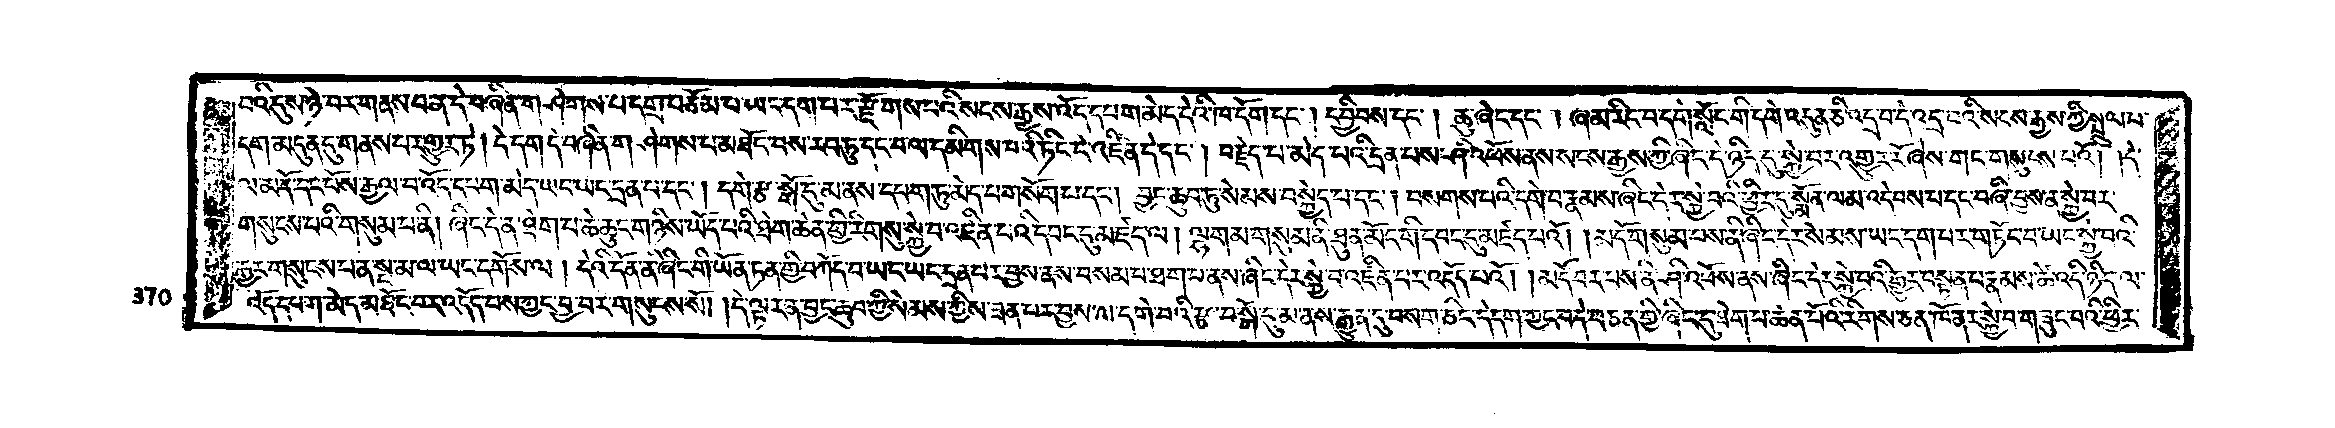བའི་དུས་ཉེ་བར་གནས་པ་ན་དེ་བཞིན་གཤེགས་པ་དགྲ་བཅོམ་པ་ཡང་དག་པར་རྫོགས་པའི་སངས་རྒྱས་འོད་དཔག་མེད་དེའི་ཁ་དོག་དང་། དབྱིབས་དང་། ཆུ་ཞེང་དང་། ཞམ་རིང་བ་དགེ་སློང་གི་དགེ་འདུན་ཅི་འདྲ་བ་དེ་འདྲ་བའི་སངས་རྒྱས་ཀྱི་སྤྲུལ་པ་
དག་མདུན་དུ་གནས་པར་གྱུར་ཏེ། དེ་དག་དེ་བཞིན་གཤེགས་པ་མཐོང་བས་རབ་ཏུ་དང་བ་ལ་དམིགས་པའི་ཏིང་ངེ་འཛིན་དེ་དང་། བརྗེད་པ་མེད་པའི་དྲན་པས་ཤི་འཕོས་ནས་སངས་རྒྱས་ཀྱི་ཞིང་དེ་ཉིད་དུ་སྐྱེ་བར་འགྱུར་རོ་ཞེས་གང་གསུངས་པའོ། །དེ་
ལ་མདོ་དང་པོས་རྒྱལ་བ་འོད་དཔག་མེད་ཡང་ཡང་དྲན་པ་དང་། དགེ་རྩ་སྒོ་དུ་མ་ནས་དཔག་ཏུ་མེད་པ་གསོག་པ་དང་། བྱང་ཆུབ་ཏུ་སེམས་བསྐྱེད་པ་དང་། བསགས་པའི་དགེ་བ་རྣམས་ཞིང་དེར་སྐྱེ་བའི་ཕྱིར་དུ་སྨོན་ལམ་འདེབས་པ་དང་བཞི་བྱས་ན་སྐྱེ་བར་
གསུངས་པའི་གསུམ་པ་ནི། ཞིང་དེ་ན་ཐེག་པ་ཆེ་ཆུང་གཉིས་ཡོད་པའི་ཐེག་ཆེན་གྱི་རིགས་སུ་སྐྱེ་བ་འཛིན་པའི་དབང་དུ་མཛད་ལ། ལྷག་མ་གསུམ་ནི་ཐུན་མོང་གི་དབང་དུ་མཛད་པའོ། །མདོ་གསུམ་པས་ནི་ཞིང་དེར་སེམས་ཡང་དག་པར་གཏོང་བ་ཡང་སྐྱེ་བའི་
རྒྱུར་གསུངས་པ་ནི་སྔ་མ་ལ་ཡང་དགོས་ལ། དེའི་དོན་ནི་ཞིང་གི་ཡོན་ཏན་གྱི་བཀོད་པ་ཡང་ཡང་དྲན་པར་བྱས་ནས་བསམ་པ་ཐག་པ་ནས་ཞིང་དེར་སྐྱེ་བ་འཛིན་པར་འདོད་པའོ། །མདོ་བར་པས་ནི་ཤི་འཕོས་ནས་ཞིང་དེར་སྐྱེ་བའི་རྒྱུར་བསྟན་པ་རྣམས་ཚེ་འདི་ཉིད་ལ་
འོད་དཔག་མེད་མཐོང་བར་འདོད་པས་ཀྱང་བྱ་བར་གསུངས་སོ། །དེ་ལྟར་ན་བྱང་ཆུབ་ཀྱི་སེམས་ཀྱིས་ཟིན་པར་བྱས་ལ་དགེ་བའི་རྩ་བ་སྒོ་དུ་མ་ནས་རྒྱུན་དུ་བསག་ཅིང་དེ་དག་ཀྱང་བདེ་བ་ཅན་གྱི་ཞིང་དུ་ཐེག་པ་ཆེན་པོའི་རིགས་ཅན་ཁོ་ནར་སྐྱེ་བ་གཟུང་བའི་ཕྱིར་